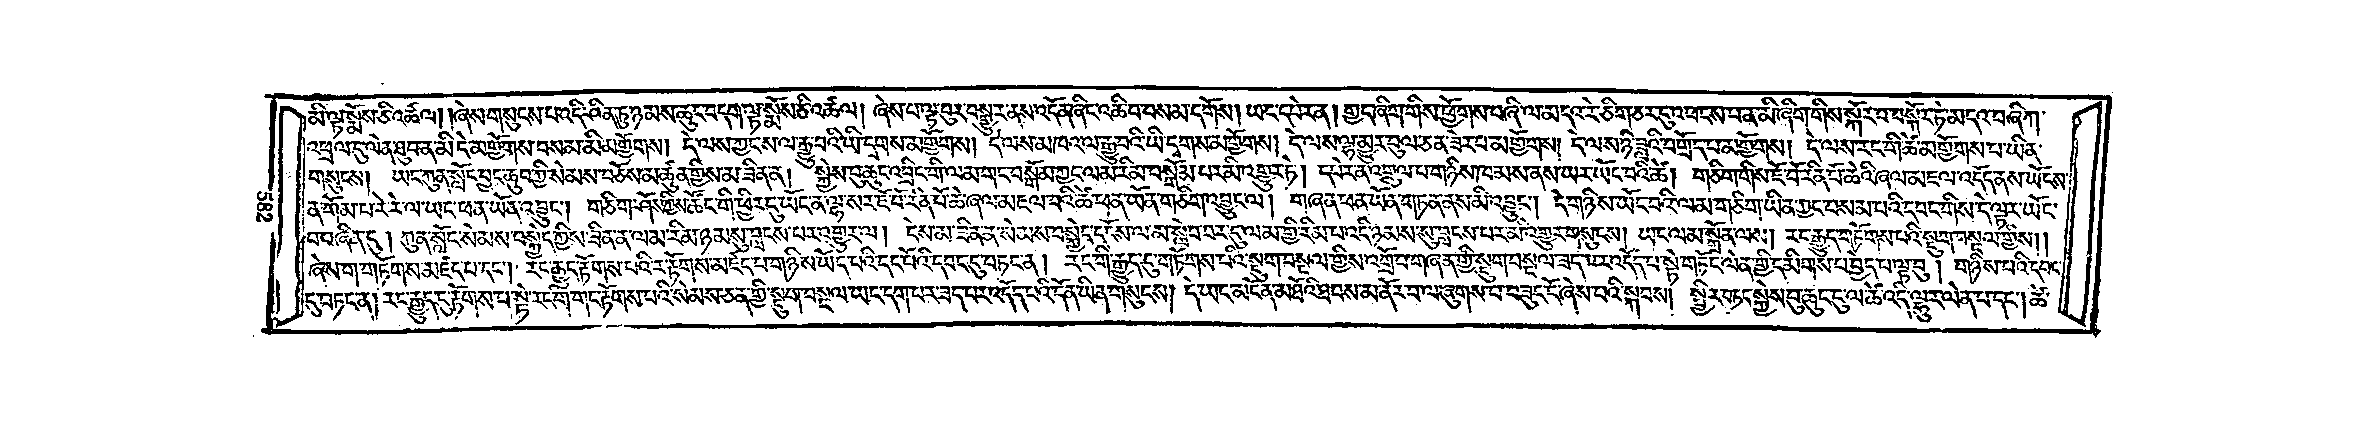མི་ལྟ་སྨོས་ཅི་འཚལ། །ཞེས་གསུངས་པ་འདི་ཤིན་ཏུ་ཉམས་ཆུང་བདག་ལྟ་སྨོས་ཅི་འཚལ། ཞེས་པ་ལྟ་བུར་བསྒྱུར་ནས་འདོན་ཞིང་འཆི་བ་བསམ་དགོས། ཡང་དཔེར་ན། གྱད་ཞིག་གིས་ཕྱོགས་བཞི་ལ་མདའ་རེ་ཅིག་ཅར་དུ་འཕངས་པ་ན་མི་ཞིག་གིས་སྐོར་བ་བསྐོར་ཏེ་མདའ་བཞི་ཀ་
འཕྲལ་དུ་ལེན་ཐུབ་ན་མི་དེ་མགྱོགས་བསམ་མི་མགྱོགས། དེ་ལས་ཀྱང་ས་ལ་རྒྱུ་བའི་ཡི་དྲགས་མགྱོགས། དེ་ལས་མཁའ་ལ་རྒྱུ་བའི་ཡི་དྭགས་མགྱོགས། དེ་ལས་ལྷ་མྱུར་བུལ་ཅན་ཟེར་པ་མགྱོགས། དེ་ལས་ཉི་ཟླའི་བགྲོད་པ་མགྱོགས། དེ་ལས་རང་གི་ཚེ་མགྱོགས་པ་ཡིན་
གསུངས། ཡང་ཀུན་སློང་བྱང་ཆུབ་ཀྱི་སེམས་བཅོས་མ་ཚུན་གྱིས་མ་ཟིན་ན། སྐྱེས་བུ་ཆུང་འབྲིང་གི་ལམ་གང་བསྒོམ་ཀྱང་ལམ་རིམ་བསྒོམ་པར་མི་འགྱུར་ཏེ། དཔེར་ན་འགྲུལ་པ་གཉིས་ཁམས་ནས་ཡར་ཡོང་བའི་ཚེ། གཅིག་གིས་ཇོ་བོ་རིན་པོ་ཆེའི་ཞལ་མཇལ་འདོད་ནས་ཡོངས་
ན་གོམ་པ་རེ་རེ་ལ་ཡང་ཕན་ཡོན་འབྱུང་། གཅིག་ཤོས་ཀྱིས་ཚོང་གི་ཕྱིར་དུ་ཡོད་ན་ལྷ་སར་ཇོ་བོ་རིན་པོ་ཆེ་ཞལ་མཇལ་བའི་ཚེ་ཕན་ཡོན་གཅིག་འབྱུང་ལ། གཞན་ཕན་ཡོན་གཏན་ནས་མི་འབྱུང་། དེ་གཉིས་ཡོང་བའི་ལམ་གཅིག་ཡིན་ཀྱང་བསམ་པའི་དབང་གིས་དེ་ལྟར་ཡོང་
པ་བཞིན་དུ། ཀུན་སློང་སེམས་བསྐྱེད་ཀྱིས་ཟིན་ན་ལམ་རིམ་ཉམས་སུ་བླངས་པར་འགྱུར་ལ། དེས་མ་ཟིན་ན་སེམས་བསྐྱེད་དངོས་ལ་མ་སླེབ་བར་དུ་ལམ་གྱི་རིམ་པ་འདི་ཉམས་སུ་བླངས་པར་མི་འགྱུར་གསུངས། ཡང་ལམ་སྒྲོན་ལས། རང་རྒྱུད་གཏོགས་པའི་སྡུག་བསྔལ་གྱིས། །
ཞེས་ག་གཏོགས་མཛད་པ་དང་། རང་རྒྱུད་རྟོགས་པའི་ར་རྟོགས་མཛད་པ་གཉིས་ཡོད་པའི་དང་པོའི་དབང་དུ་བཏང་ན། རང་གི་རྒྱུད་དུ་གཏོགས་པའི་སྡུག་བསྔལ་གྱིས་འགྲོ་བ་གཞན་གྱི་སྡུག་བསྔལ་ཟད་པར་འདོད་པ་སྟེ་གཏོང་ལེན་གྱི་དམིགས་པ་བྱེད་པ་ལྟ་བུ། གཉིས་པའི་དབང་
དུ་བཏང་ན། རང་རྒྱུད་དུ་རྟོགས་པ་སྟེ་རང་གི་གང་རྟོགས་པའི་སེམས་ཅན་གྱི་སྡུག་བསྔལ་ཡང་དག་པར་ཟད་པར་འདོད་པའི་དོན་ཡིན་གསུངས། དེ་ཡང་མངོན་མཐོའི་ཐབས་མ་ནོར་བ་ལ་ཞུགས་པ་བཟུང་ངོ་ཞེས་པའི་སྐབས། སྤྱིར་བཏང་སྐྱེས་བུ་ཆུང་ངུ་ལ་ཚེ་འདི་ལྷུར་ལེན་པ་དང་། ཚེ་